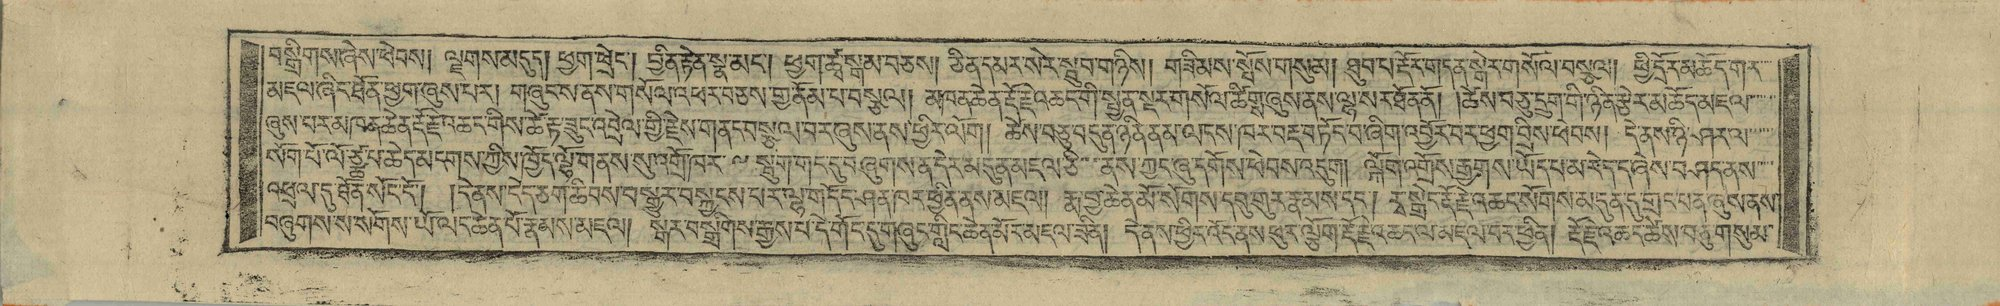བསྒྲིགས་ཞེས་ཕེབས། ལྗགས་མདུད། ཕྱག་ཕྲེང་། བྱིན་རྟེན་སྣ་མང་། ཕྱག་ཚྭ་སྒམ་བཅས། ཅིན་དམར་སེར་སྦུབ་གཉིས། གཟིམས་སྤོས་གསུམ། ཐུབ་པ་རྡོར་གདན་སྒེར་གསོལ་བསྩལ། ཕྱི་དྲོར་མཆོད་གར་
མཇལ་ཞིང་ཐོན་ཕྱག་ཞུས་པར། གཞུང་ས་ནས་གསོལ་འཕར་བཅས་གྱ་ནོམ་པ་བསྩལ། མཁན་ཆེན་རྡོ་རྗེ་འཆང་གི་སྤྱན་སྔར་གསོལ་ཚིགས་ཞུས་ནས་ལྷ་སར་ཐོན་ནོ། །ཚེས་བཅུ་དྲུག་གི་ཉིན་རྩེར་མཆོད་མཇལ་
ཞུས་པར་མཁན་ཆེན་རྡོ་རྗེ་འཆང་གིས་ཚེ་རྟ་ཟུང་འབྲེལ་གྱི་རྗེས་གནང་བསྩལ་བར་ཞུས་ནས་ཕྱིར་ལོག །ཚེས་བཅུ་བདུན་ཉིན་ནམ་ལངས་ཁར་བརྡ་བཏོང་བ་ཞིག་འབྱོར་བར་ཕྱག་བྲིས་ཕེབས། དེ་ནས་ཉི་ཤར་ལ་
སོག་པོ་ལོ་ཙྪ་པ་ཆེད་མངགས་ཀྱིས་ཁྱོད་ལྷོ་གནས་སུ་འགྲོ་ཁར་༧་སྦུག་གང་དུ་བཞུགས་ན་དེར་མདུན་མཇལ་ཅི་ནས་ཀྱང་ཞུ་དགོས་ཕེབས་འདུག །ལྐོག་འགྲོས་རྒྱགས་ཡོད་པ་མ་རེད་ད་ཞེས་བཤད་ནས་
འཕྲལ་དུ་ཐོན་སོང་ངོ། །དེ་ནས་ངེད་ཅག་ཆིབས་བསྒྱུར་བསྐྱངས་པར་ལྷ་གདོང་ཤན་ཁར་ཕྱིན་ནས་མཇལ། རྨ་བྱ་ཆེན་མོ་སོགས་དབུ་གུར་རྣམས་དང་། རྭ་སྒྲེང་རྡོ་རྗེ་འཆང་སོགས་མདུན་དུ་གྲང་པན་ཞུས་ནས་
བཞུགས་ས་སོགས་ཡོ་ལང་ཆེན་པོ་རྣམས་མཇལ། སྒར་བསྒྲིགས་རྒྱས་པ་དེ་གོང་དུ་གཞུང་གླིང་ཆེན་མོར་མཇལ་ཟིན། དེ་ནས་ཕྱིར་འོང་ནས་ཕུར་ལྕོག་རྡོ་རྗེ་འཆང་ལ་མཇལ་བར་ཕྱིན། རྡོ་རྗེ་འཆང་ཚེས་བཅུ་གསུམ་